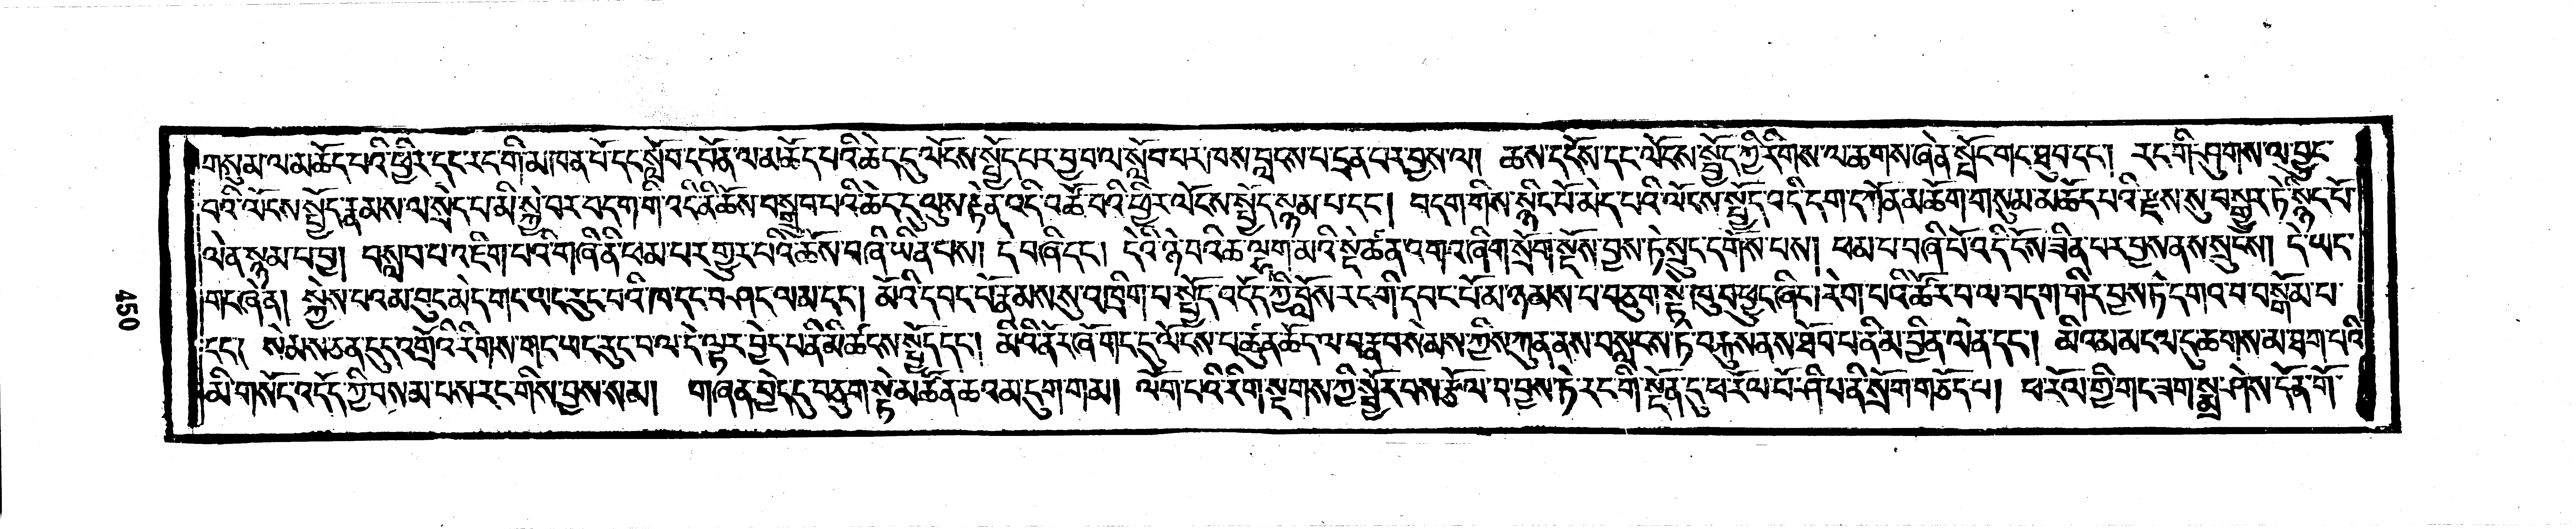གསུམ་ལ་མཆོད་པའི་ཕྱིར་དང་རང་གི་མཁན་པོ་དང་སློབ་དཔོན་ལ་མཆོད་པའི་ཆེད་དུ་ལོངས་སྤྱོད་པར་བྱ་བ་ལ་སློབ་པར་ཁས་བླངས་པ་དྲན་པར་བྱས་ལ། ཆས་དངོས་དང་ལོངས་སྤྱོད་ཀྱི་རིགས་ལ་ཆགས་ཞེན་སྤོང་གང་ཐུབ་དང་། རང་གི་ཤུགས་ལ་བྱུང་
བའི་ལོངས་སྤྱོད་རྣམས་ལ་སྲེད་པ་མི་སྐྱེ་བར་བདག་གི་འདི་ནི་ཆོས་བསྒྲུབ་པའི་ཆེད་དུ་ལུས་རྟེན་འདི་འཚོ་བའི་ཕྱིར་ལོངས་སྤྱོད་སྙམ་པ་དང་། བདག་གིས་སྙིང་པོ་མེད་པའི་ལོངས་སྤྱོད་འདི་དག་དཀོན་མཆོག་གསུམ་མཆོད་པའི་རྫས་སུ་བསྒྱུར་ཏེ་སྙིང་པོ་
ལེན་སྙམ་པ་བྱ། བསླབ་པ་འཇིག་པའི་གཞི་ནི་ཕམ་པར་གྱུར་པའི་ཆོས་བཞི་ཡིན་པས། དེ་བཞི་དང་། དེའི་ཉེ་བའི་ཆ་ལྷག་མའི་སྡེ་ཚན་འགའ་ཞིག་སྲོག་སྡོས་བྱས་ཏེ་སྲུང་དགོས་པས། ཕམ་པ་བཞི་པོ་འདི་ངོས་ཟིན་པར་བྱས་ནས་སྲུངས། དེ་ཡང་
གང་ཞེ་ན། སྐྱེས་པའམ་བུད་མེད་གང་ཡང་རུང་བའི་ཁ་དང་བཤད་ལམ་དང་། མོའི་དབང་པོ་རྣམས་སུ་འཁྲིག་པ་སྤྱོད་འདོད་ཀྱི་བློས་རང་གི་དབང་པོ་མ་ཉམས་པ་བཅུག་སྟེ་ཁུ་བ་ཕུང་ཞིང་། རེག་པའི་ཚོར་བ་ལ་བདག་གིར་བྱས་ཏེ་དགའ་བ་བསྒོམ་པ་
དང༑ སེམས་ཅན་དུད་འགྲོའི་རིགས་གང་ཡང་རུང་བ་ལ་དེ་ལྟར་བྱེད་པ་ནི་མི་ཚངས་སྤྱོད་དང་། མིའི་ནོར་ཞོ་གང་དུ་ལོངས་པ་ཚུན་ཆོད་ལ་བ་རྣབ་སེམས་ཀྱིས་ཀུན་ནས་བསླངས་ཏེ་བརྐུས་ནས་ཐོབ་པ་ནི་མ་བྱིན་ལེན་དང་། མི་འམ་མངལ་དུ་ཆགས་མ་ཐག་པའི་
མི་གསོང་འདོད་ཀྱི་བསམ་པས་རང་གིས་བྱས་སམ། གཞན་བྱེད་དུ་བཅུག་སྟེ་མཚོན་ཆའམ་དུག་གམ། ལོག་པའི་རིག་སྔགས་ཀྱི་སྦྱོར་བས་རྩོལ་བ་བྱས་ཏེ་རང་གི་སྔོན་དུ་ཕ་རོལ་པོ་ཤི་པ་ནི་སྲོག་གཅོད་པ། ཕ་རོལ་གྱི་གང་ཟག་སྨྲ་ཤེས་དོན་གོ་